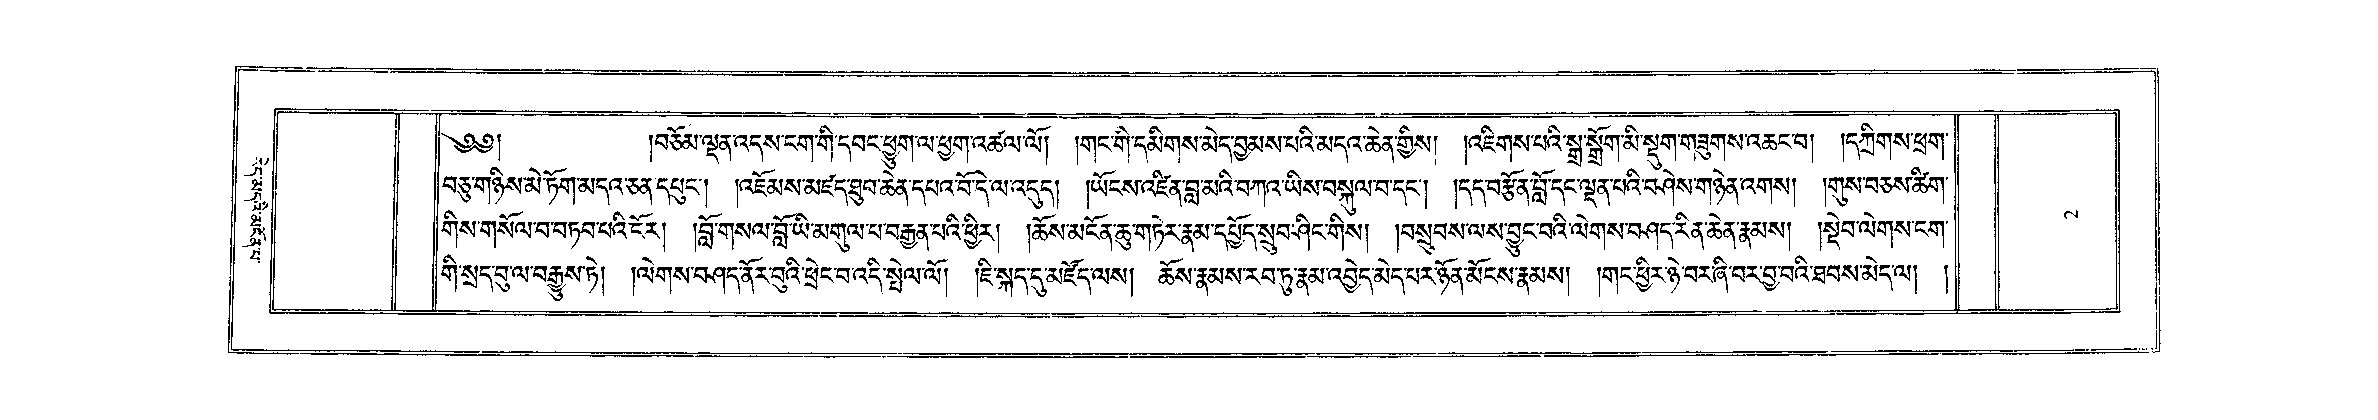༄༅། །བཅོམ་ལྡན་འདས་ངག་གི་དབང་ཕྱུག་ལ་ཕྱག་འཚལ་ལོ། །གང་གི་དམིགས་མེད་བྱམས་པའི་མདའ་ཆེན་གྱིས། །འཇིགས་པའི་སྒྲ་སྒྲོག་མི་སྡུག་གཟུགས་འཆང་བ། །དཀྲིགས་ཕྲག་
བཅུ་གཉིས་མེ་ཏོག་མདའ་ཅན་དཔུང་། །འཇོམས་མཛད་ཐུབ་ཆེན་དཔའ་བོ་དེ་ལ་འདུད། །ཡོངས་འཛིན་བླ་མའི་བཀའ་ཡིས་བསྐུལ་བ་དང་། །དད་བརྩོན་བློ་དང་ལྡན་པའི་བཤེས་གཉེན་འགས། །གུས་བཅས་ཚིག་
གིས་གསོལ་བ་བཏབ་པའི་ངོར། །བློ་གསལ་བློ་ཡི་མགུལ་པ་བརྒྱན་པའི་ཕྱིར། །ཆོས་མངོན་ཆུ་གཏེར་རྣམ་དཔྱོད་སྲུབ་ཤིང་གིས། །བསྲུབས་ལས་བྱུང་བའི་ལེགས་བཤད་རིན་ཆེན་རྣམས། །སྡེབ་ལེགས་ངག་
གི་སྲད་བུ་ལ་བརྒྱུས་ཏེ། །ལེགས་བཤད་ནོར་བུའི་ཕྲེང་བ་འདི་སྤེལ་ལོ། །ཇི་སྐད་དུ་མཛོད་ལས། ཆོས་རྣམས་རབ་ཏུ་རྣམ་འབྱེད་མེད་པར་ཉོན་མོངས་རྣམས། །གང་ཕྱིར་ཉེ་བར་ཞི་བར་བྱ་བའི་ཐབས་མེད་ལ། །